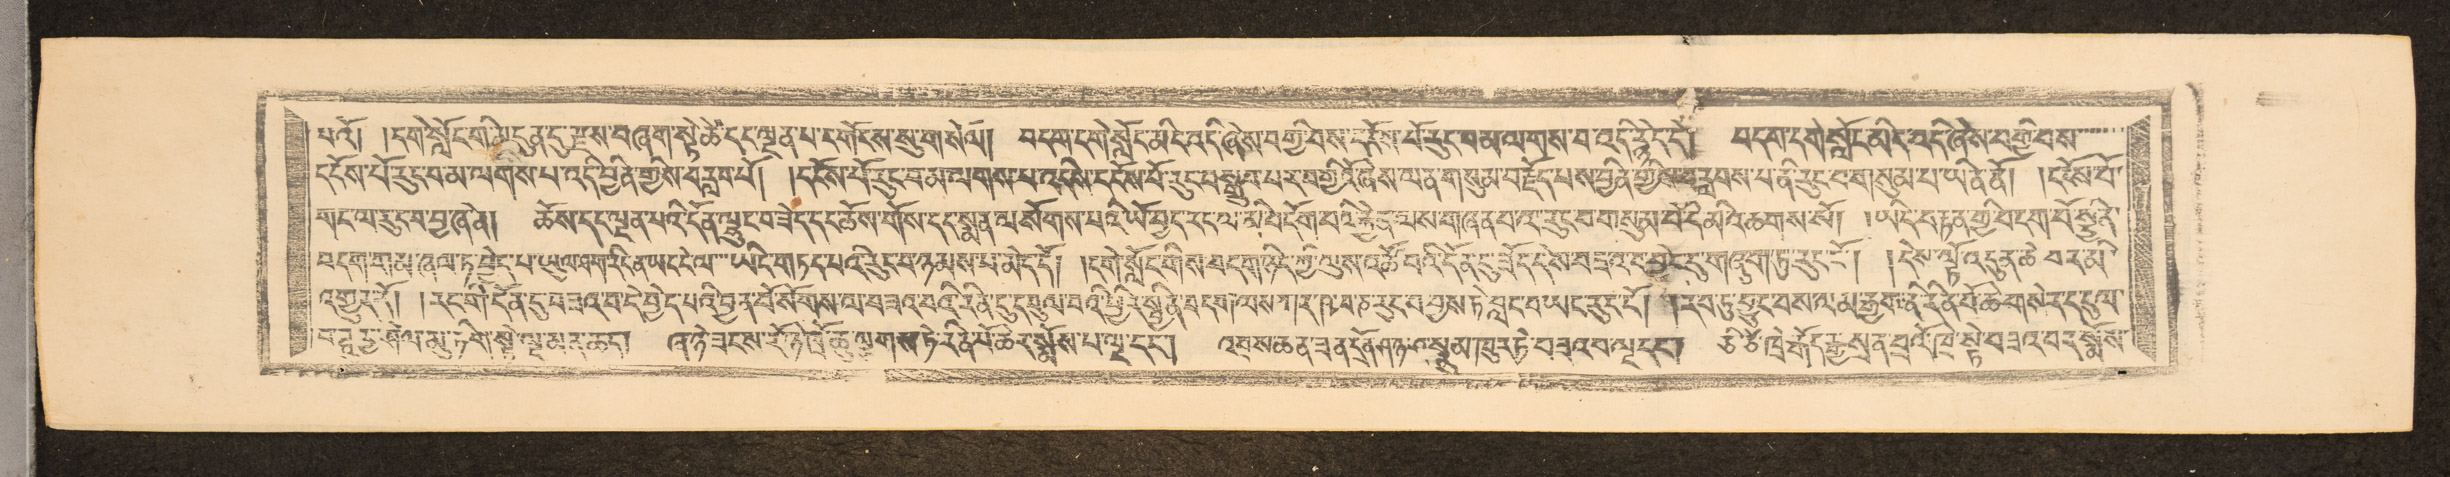པའོ། །དགེ་སློང་གི་མདུན་དུ་རྫས་བཞག་སྟེ་ཚེ་དང་ལྡན་པ་དགོངས་སུ་གསོལ། བདག་དགེ་སློང་མིང་འདི་ཞེས་བགྱི་བས་དངོས་པོ་རུང་བ་མ་ལགས་པ་འདི་རྙེད་དེ། བདག་དགེ་སློང་མིང་འདི་ཞེས་བགྱི་བས་
དངོས་པོ་རུང་བ་མ་ལགས་པ་འདི་བྱིན་གྱིས་བརླབ་པོ། །དངོས་པོ་རུང་བ་མ་ལགས་པ་འདིས་དངོས་པོ་རུང་བ་སྒྲུབ་པར་བགྱིའོ་ཞེས་ལན་གསུམ་བརྗོད་པས་བྱིན་གྱིས་བརླབས་པ་ནི་རུང་བ་གསུམ་པ་ཡིན་ནོ། །དངོས་པོ་
གང་ལ་རུང་བ་བྱ་ཞེ་ན། ཆོས་དང་ལྡན་པའི་དོན་ལྷུང་བཟེད་དང་ཆོས་གོས་དང་སྨན་ལ་སོགས་པའི་ཡོ་བྱད་རང་ལ་མི་བདོག་པའི་རྐྱེན་ལས་གཞན་པ་ལ་རུང་བ་གསུམ་པོ་དེ་མི་འཆགས་སོ། །ཡིད་བརྟན་གྱི་བདག་པོ་སྦྱིན་
བདག་གམ་ཞལ་ཏ་བྱེད་པ་ཡུལ་ཐག་རིང་ན་ཡང་དེ་ལ་ཡིད་གཏད་པའི་རུང་བ་ཉམས་པ་མེད་དོ། །དགེ་སློང་གིས་བདག་ཉིད་ཀྱི་ལུས་འཚོ་བའི་དོན་དུ་ཟོད་དེས་བཟའ་བ་བྱེད་དུ་གཞུག་ཏུ་རུང་དོ། །དེས་ལྟོ་འདུན་ཆེ་བར་མི་
འགྱུར་རོ། །རང་གི་དོན་དུ་བཟའ་བ་དེ་བྱེད་པའི་བྱན་པོ་སོགས་ལ་བཟའ་བའི་རིན་དུ་དབུལ་བའི་ཕྱིར་སྦྱིན་བདག་ལས་ཀར་ཥ་བ་ཎ་རུང་བ་བྱས་ཏེ་བླང་བ་ཡང་རུང་ངོ། །རབ་ཏུ་བྱུང་བས་ལམ་རྒྱག་ནི་རིན་པོ་ཆེ་གསེར་དངུལ་
བཻཌཱུརྱ་ཤེལ་མུ་ཏིག་སྟེ་ལྔ་མན་ཆད། ཞ་ཉེ་ཟངས་རོ་ཉེ་ཁྲོ་ཆུ་ལྕགས་ཏེ་རིན་བོ་ཆེར་སྨོས་པ་ལྔ་དང་། འབྲས་ཆན་ཟན་དྲོན་ཤ་ཉ་ཤ་སྣུམ་ཁུར་ཏེ་བཟའ་བ་ལྔ་དང་། ཅི་ཅོ་ཁྲེ་རྒོད་རྒྱ་སྲན་བྲའོ་ཁྲེ་སྟེ་བཟའ་བར་སྨོས་